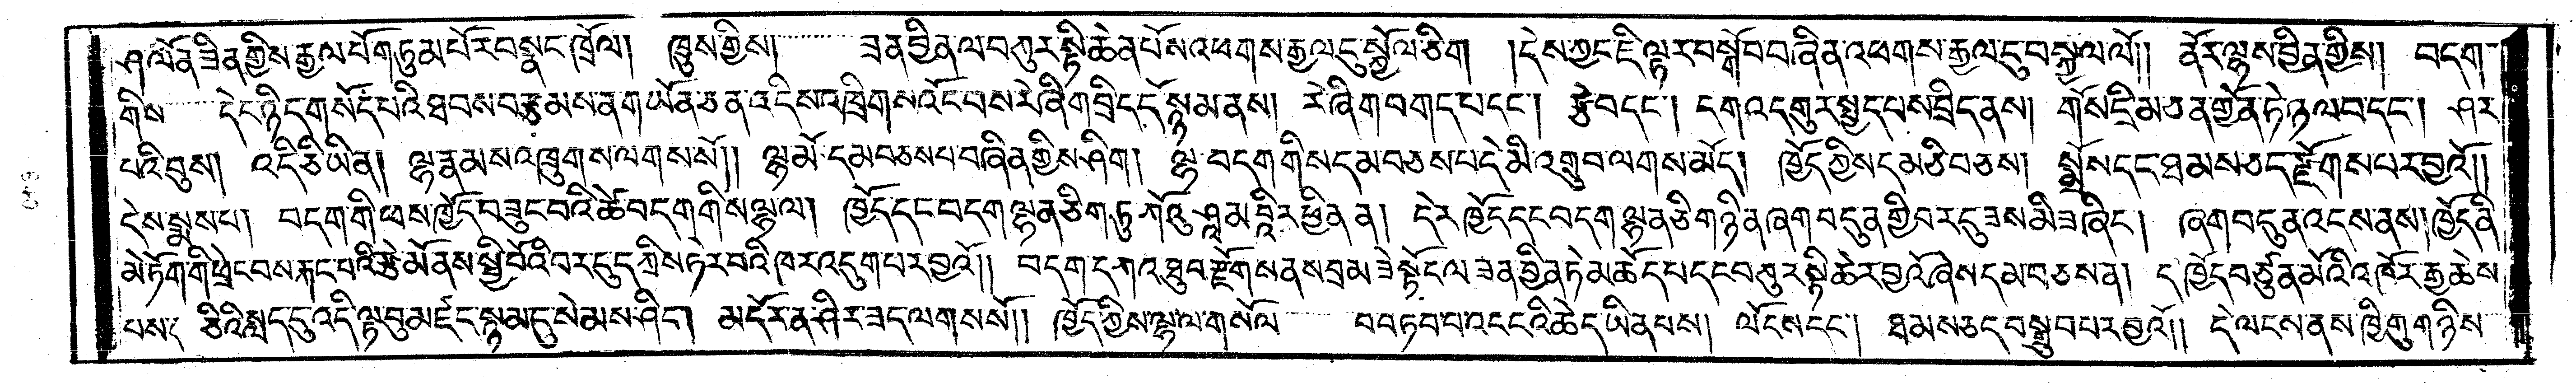ཤ་ལོན་ཟིན་གྱིས་རྒྱལ་པོ་གཏུམ་པོར་བསྣང་ཁྲོལ། ཁྲུས་གྱིས། ཟན་བྱིན་ལ་བཀུར་སྟི་ཆེན་པོས་འཕགས་རྒྱལ་དུ་སྐྱོལ་ཅིག །དེས་ཀྱང་ཇི་ལྟར་བསྒོབ་བཞིན་འཕགས་རྒྱལ་དུ་བསྐྱལ་ལོ།། ནོར་ལྷས་བྱིན་གྱིས། བདག་
གིས་དེང་ཉིད་གསོད་པའི་ཐབས་བརྩམས་ན་གཡོན་ཅན་འདིས་འཁྲིགས་འོང་བས་རེ་ཞིག་བྲིད་དོ་སྙམ་ནས། རེ་ཞིག་བགད་པ་དང་། རྩེ་བ་དང་། དགའ་དགུར་སྤྱད་པས་བྲིད་ནས། གོས་དྲི་མ་ཅན་གྱོན་ཏེ་ཉལ་བ་དང་། ཤར་
པའི་བུས། འདི་ཅི་ཡིན། ལྷ་རྣམས་འཁྲུགས་ལགས་སོ།། ལྷ་མོ་དམ་བཅས་པ་བཞིན་གྱིས་ཤིག། ལྷ་བདག་གིས་དམ་བཅས་པ་དེ་མི་འགྲུབ་ལགས་མོད། ཁྱོད་ཀྱིས་དམ་ཅི་བཅས། སྨྲོས་དང་ཐམས་ཅད་རྫོགས་པར་བྱའོ།།
དེས་སྨྲས་པ། བདག་གི་ཕས་ཁྱོད་བཟུང་བའི་ཚེ་བདག་གིས་ལྷ་ལ། ཁྱོད་དང་བདག་ལྷན་ཅིག་ཏུ་ཀོའུ་ཤཱམྦཱིར་ཕྱིན་ན། དེར་ཁྱོད་དང་བདག་ལྷན་ཅིག་ཉིན་ཞག་བདུན་གྱི་བར་དུ་ཟས་མི་ཟ་ཞིང་། ཞག་བདུན་འདས་ནས། ཁྱོད་ནི་
མེ་ཏོག་གི་ཕྲེང་བས་རྐང་བའི་རྩེ་མོ་ནས་སྤྱི་བོའི་བར་དུ་དཀྲིས་ཏེར་བའི་ཁར་འདུག་པར་བྱའོ།། བདག་དཀའ་ཐུབ་རྫོགས་ནས་བྲམ་ཟེ་སྟོང་ལ་ཟན་བྱིན་ཏེ་མཆོད་པ་དང་བཀུར་སྟི་ཆེར་བྱའོ་ཞེས་དམ་བཅས་ན། དེ་ཁྱོད་བཙུན་མོའི་འཁོར་རྒྱ་ཆེས་
པས༑ ཅིའི་སླད་དུ་འདི་ལྟ་བུ་མཛད་སྙམ་དུ་སེམས་ཤིང་། མདོར་ན་ཤིར་ཟད་ལགས་སོ།། ཁྱོད་ཀྱིས་ལྷ་ལ་གསོལ་བ་བཏབ་པའང་ངའི་ཆེད་ཡིན་པས། ལོངས་དང་། ཐམས་ཅད་བསྒྲུབ་པར་བྱའོ།། དེ་ལངས་ནས་ཁྱི་གུ་གཉིས་